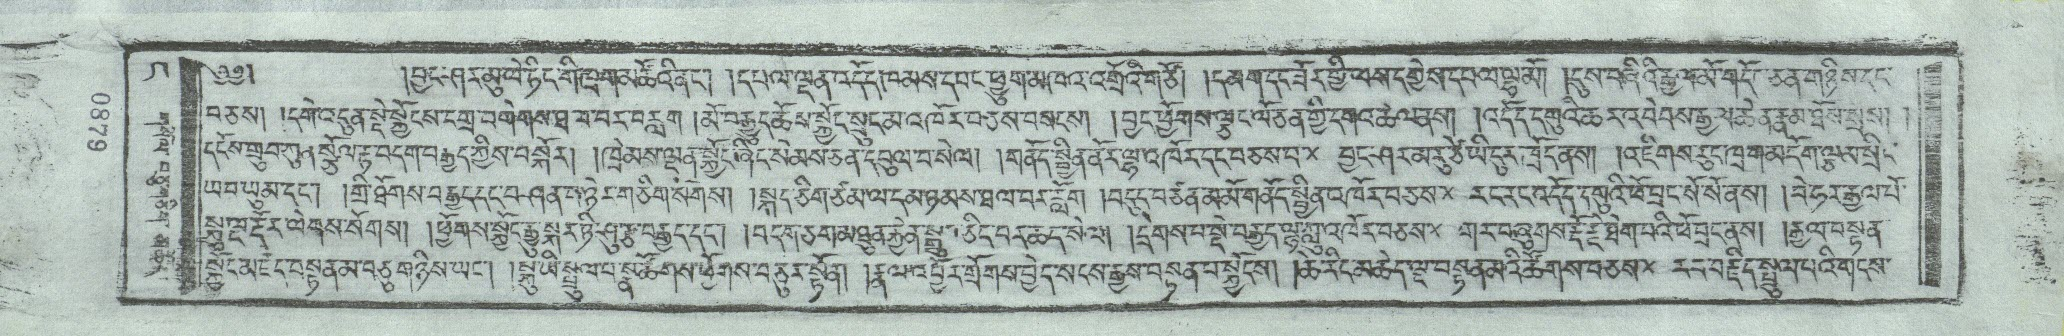༄༅། །བྱང་ཤར་མུ་ལེ་ཏིང་གི་ཁྲག་མཚོའི་ནང་། །དཔལ་ལྡན་འདོད་ཁམས་དབང་ཕྱུག་མཁའ་འགྲོའི་གཙོ། །དམ་ག་དང་ཟོར་གྱི་ལས་དགྱེས་དཔལ་ལྷ་མོ། །དུས་བཞིའི་རྒྱལ་མོ་གདོང་ཅན་གཉིས་དང་
བཅས། །དགེ་འདུན་སྡེ་སྐྱོངས་དགྲ་བགེགས་ཐལ་བར་བརླག །མོ་བརྒྱུད་ཆོས་སྐྱོང་སྲུང་མ་འཁོར་བཅས་བསངས། །བྱང་ཕྱོགས་ལྕང་ལོ་ཅན་གྱི་དགའ་ཆེལ་ནས། །འདོད་དགུའི་ཆར་འབེབས་རྒྱལ་ཆེན་རྣམ་ཐོས་སྲས། །
དངོས་གྲུབ་ཀུན་སྩོལ་རྟ་བདག་བརྒྱད་ཀྱིས་བསྐོར། །ཁྲིམས་ལྡན་སྐྱོང་ཞིང་སེམས་ཅན་དབུལ་བ་སེལ། །གནོད་སྦྱིན་ནོར་ལྷ་འཁོར་དང་བཅས་པ་྾་བྱང་ཤར་མ་རུ་ཙེ་ཡི་དུར་ཁྲོད་ནས། །འཇིགས་རུང་ཁྲག་མདོག་ལྕམ་སྲིང་
ཡབ་ཡུམ་དང་། །གྲི་ཐོགས་བརྒྱད་དང་བཤན་གཉེར་གཅིག་སོགས། །སྐད་ཅིག་ཙམ་ལ་དམ་ཉམས་ཐལ་བར་རློག །བདུད་བཙན་མ་མོ་གནོད་སྦྱིན་འཁོར་བཅས་྾་རང་རང་འདོད་དགུའི་ཕོ་བྲང་སོ་སོ་ནས། །བེ་ཧར་རྒྱལ་པོ་
སྐུ་ལྔ་རྡོར་ལེགས་སོགས། །ཕྱོགས་སྐྱོང་རྒྱུ་སྐར་ཉི་ཤུ་རྩ་བརྒྱད་དང་། །བདག་ཅང་མཐུན་རྐྱེན་སྒྲུབ་ཅིང་བར་ཆད་སེལ། །དྲེགས་པ་སྡེ་བརྒྱད་ལྷ་ཀླུ་འཁོར་བཅས་྾་གར་བཞུགས་རྡོ་རྗེ་ཐེག་པའི་ཕོ་བྲང་ནས། །རྒྱལ་བསྟན་
སྐྱོང་མཛད་བསྟན་མ་བཅུ་གཉིས་ཡང་། །སྐུ་ཡི་སྤྲུལ་བ་སྣ་ཚོགས་ཕྱོགས་བཅུར་སྟོན། །རྣལ་འབྱོར་གྲོགས་བྱེད་སངས་རྒྱས་བསྟན་པ་སྐྱོངས། །ཚེ་རིང་མཆེད་ལྔ་བསྟན་མའི་ཚོགས་བཅས་྾་རང་བརྗིད་སྤྲུལ་པའི་གངས་